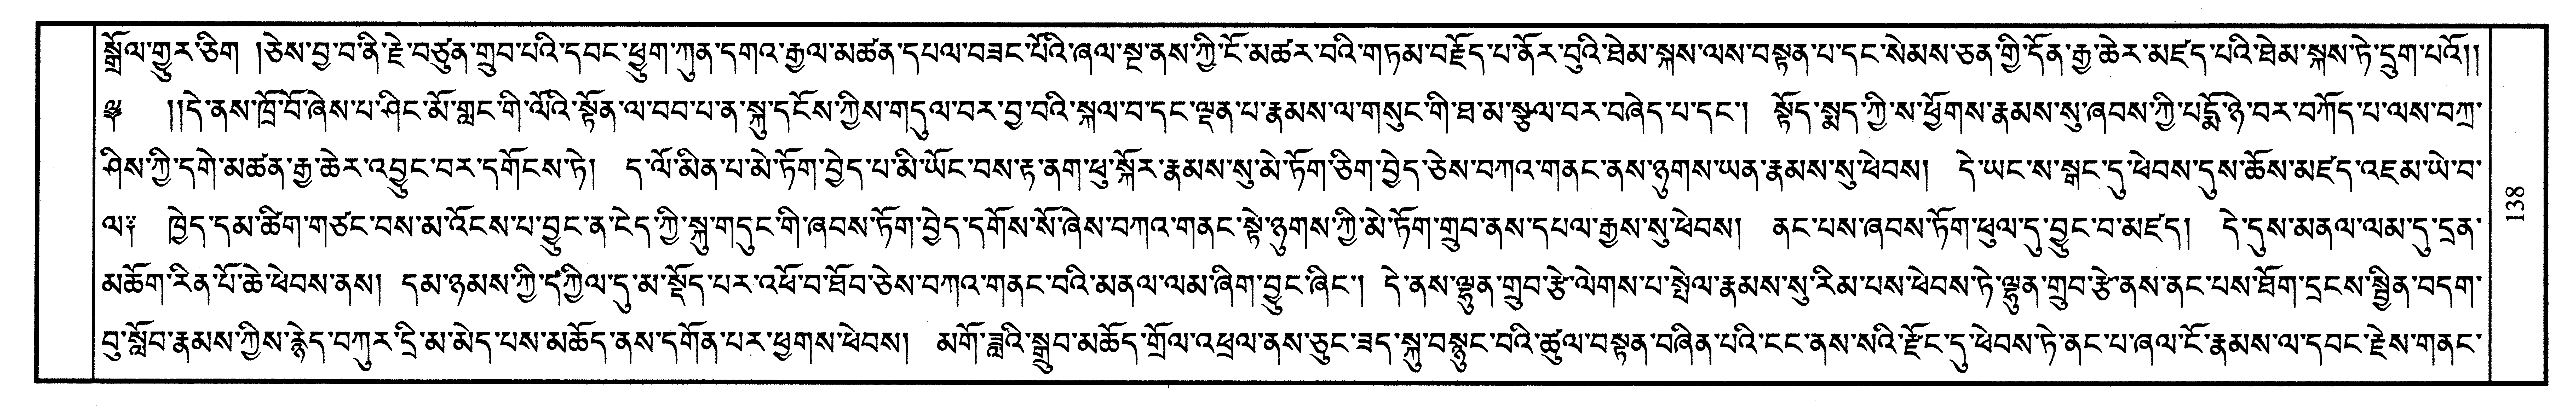སྒྲོལ་གྱུར་ཅིག །ཅེས་བྱ་བ་ནི་རྗེ་བཙུན་གྲུབ་པའི་དབང་ཕྱུག་ཀུན་དགའ་རྒྱལ་མཚན་དཔལ་བཟང་པོའི་ཞལ་སྔ་ནས་ཀྱི་ངོ་མཚར་བའི་གཏམ་བརྗོད་པ་ནོར་བུའི་ཐེམ་སྐས་ལས་བསྟན་པ་དང་སེམས་ཅན་གྱི་དོན་རྒྱ་ཆེར་མཛད་པའི་ཐེམ་སྐས་ཏེ་དྲུག་པའོ།།
༈ །།དེ་ནས་ཁྲོ་བོ་ཞེས་པ་ཤིང་མོ་གླང་གི་ལོའི་སྟོན་ལ་བབ་པ་ན་སྐུ་དངོས་ཀྱིས་གདུལ་བར་བྱ་བའི་སྐལ་བ་དང་ལྡན་པ་རྣམས་ལ་གསུང་གི་ཐ་མ་སྩལ་བར་བཞེད་པ་དང་། སྟོད་སྨད་ཀྱི་ས་ཕྱོགས་རྣམས་སུ་ཞབས་ཀྱི་པདམོ་ཉེ་བར་བཀོད་པ་ལས་བཀྲ་
ཤིས་ཀྱི་དགེ་མཚན་རྒྱ་ཆེར་འབྱུང་བར་དགོངས་ཏེ། ད་ལོ་མིན་པ་མེ་ཏོག་བྱེད་པ་མི་ཡོང་བས་རྟ་ནག་ཕུ་སྐོར་རྣམས་སུ་མེ་ཏོག་ཅིག་བྱེད་ཅེས་བཀའ་གནང་ནས་ཉུགས་ཡན་རྣམས་སུ་ཕེབས། དེ་ཡང་ས་སྒང་དུ་ཕེབས་དུས་ཆོས་མཛད་འཇམ་ཡེ་བ་
ལ༑ ཁྱེད་དམ་ཚིག་གཙང་བས་མ་འོངས་པ་བྱུང་ན་ངེད་ཀྱི་སྐུ་གདུང་གི་ཞབས་ཏོག་བྱེད་དགོས་སོ་ཞེས་བཀའ་གནང་སྟེ་ཉུགས་ཀྱི་མེ་ཏོག་གྲུབ་ནས་དཔལ་རྒྱས་སུ་ཕེབས། ནང་པས་ཞབས་ཏོག་ཕུལ་དུ་བྱུང་བ་མཛད། དེ་དུས་མནལ་ལམ་དུ་དྲན་
མཆོག་རིན་པོ་ཆེ་ཕེབས་ནས། དམ་ཉམས་ཀྱི་དཀྱིལ་དུ་མ་སྡོད་པར་འཕོ་བ་ཐོབ་ཅེས་བཀའ་གནང་བའི་མནལ་ལམ་ཞིག་བྱུང་ཞིང་། དེ་ནས་ལྷུན་གྲུབ་རྩེ་ལེགས་པ་སྤེལ་རྣམས་སུ་རིམ་པས་ཧེབས་ཏེ་ལྷུན་གྲུབ་རྩེ་ནས་ནང་པས་ཐོག་དྲངས་སྦྱིན་བདག་
བུ་སློབ་རྣམས་ཀྱིས་རྙེད་བཀུར་དྲི་མ་མེད་པས་མཆོད་ནས་དགོན་པར་ཕྱགས་ཕེབས། མགོ་ཟླའི་སྒྲུབ་མཆོད་གྲོལ་འཕྲལ་ནས་ཅུང་ཟད་སྐུ་བསྙུང་བའི་ཚུལ་བསྟན་བཞིན་པའི་ངང་ནས་སའི་རྫོང་དུ་ཕེབས་ཏེ་ནང་པ་ཞལ་ངོ་རྣམས་ལ་དབང་རྗེས་གནང་